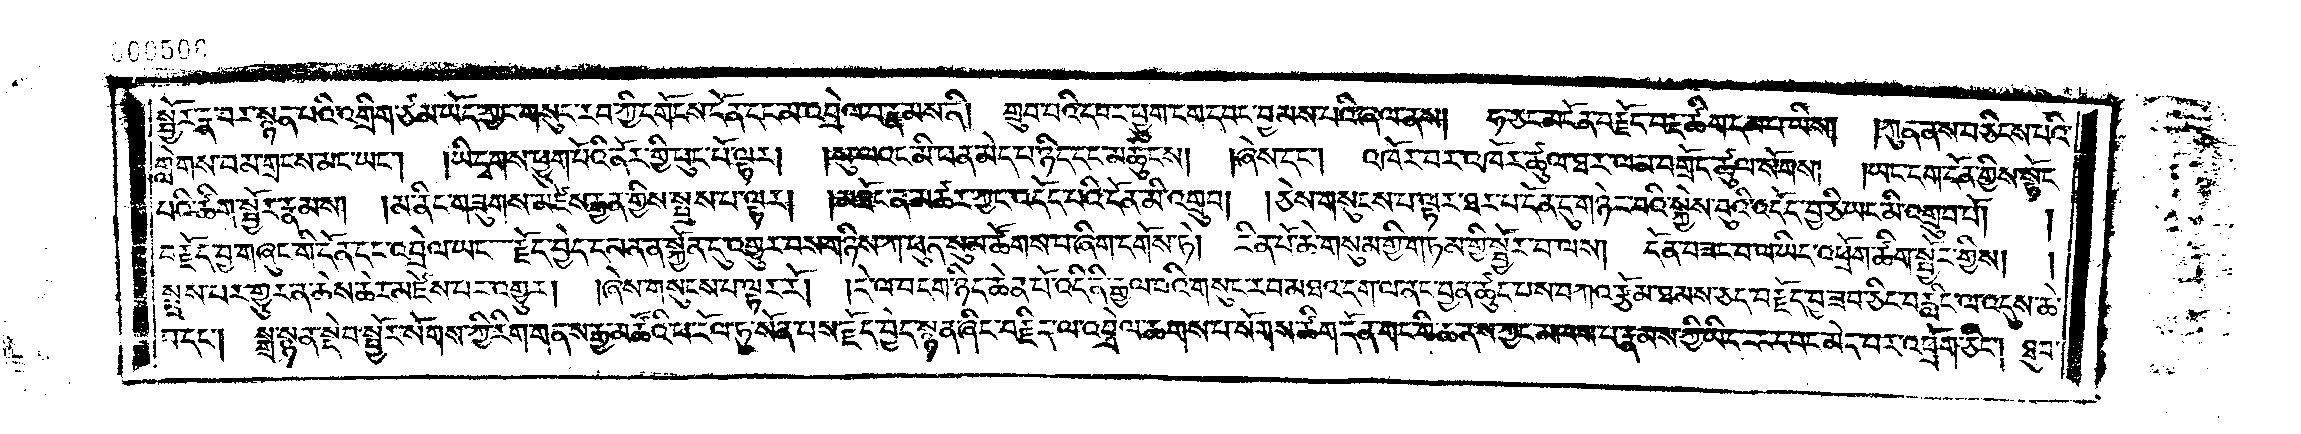སྦྱོར་རྣ་བར་སྙན་པའི་འགྲིག་ཙམ་ཡོད་ཀྱང་གསུང་རབ་ཀྱི་དགོངས་དོན་དང་མ་འབྲེལ་བ་རྣམས་ནི། གྲུབ་པའི་དབང་ཕྱུག་ངག་དབང་བྱམས་པའི་ཞལ་ནས། ཧ་ཅང་མངོན་བརྗོད་བརྡ་ཚིག་དམ་པ་ཡིས། །ཀུན་ནས་བཅིངས་པའི་
གླེགས་བམ་གྲངས་མང་ཡང་། །ཡི་དྭགས་ཕྱུག་པོའི་ནོར་གྱི་ཕུང་པོ་ལྟར། །སུ་ལའང་མི་ཕན་མེད་པ་ཉིད་དང་མཚུངས། །ཞེས་དང་། འཁོར་བར་འཁོར་ཚུལ་ཐར་ལམ་བགྲོང་ཚུལ་སོགས། །ཡང་དག་དོན་གྱིས་སྟོང་
པའི་ཚིག་སྦྱོར་རྣམས། །མ་ནིང་གཟུགས་མཛེས་རྒྱན་གྱིས་སྤྲས་པ་ལྟར། །མཐོང་ན་མཚར་ཀྱང་འདོད་པའི་དོན་མི་འགྲུབ། །ཅེས་གསུངས་པ་ལྟར་ཐར་པ་དོན་དུ་གཉེར་བའི་སྐྱེས་བུའི་འདོད་བྱ་ཅི་ཡང་མི་འགྲུབ་པོ། །
བརྗོད་བྱ་གཞུང་གི་དོན་དང་འབྲེལ་ཡང་རྗོད་བྱེད་དམན་ན་སྐྱོན་དུ་འགྱུར་བས་གཉིས་ཀ་ཕུན་སུམ་ཚོགས་པ་ཞིག་དགོས་ཏེ། རིན་པོ་ཆེ་གསུམ་གྱི་གཏམ་གྱི་སྦྱོར་བ་ལས། དོན་བཟང་བ་ལ་ཡིད་འཕྲོག་ཚིག་སྦྱོར་གྱིས། །
སྤྲས་པར་གྱུར་ན་ཆེས་ཆེར་མཛེས་པར་འགྱུར། །ཞེས་གསུངས་པ་ལྟར་རོ། །དེ་ལ་བདག་ཉིད་ཆེན་པོ་འདི་ནི་རྒྱལ་བའི་གསུང་རབ་མཐའ་དག་ལ་ནང་བྱན་ཚུད་པས་བཀའ་རྩོམ་ཐམས་ཅད་བརྗོད་བྱ་ཟབ་ཅིང་བརླིང་ལ་འདུས་ཆེ་
བ་དང་། སྒྲ་སྙན་སྡེབ་སྦྱོར་སོགས་ཀྱི་རིག་གནས་རྒྱ་མཚོའི་ཕ་རོལ་ཏུ་སོན་པས་རྗོད་བྱེད་སྙན་ཞིང་བརྗིད་ལ་འབྲེལ་ཆགས་པ་སོགས་ཚིག་དོན་གང་གི་ཆ་ནས་ཀྱང་མཁས་པ་རྣམས་ཀྱི་ཡིད་རང་དབང་མེད་པར་འཕྲོག་ཅིང་། ཐུབ་